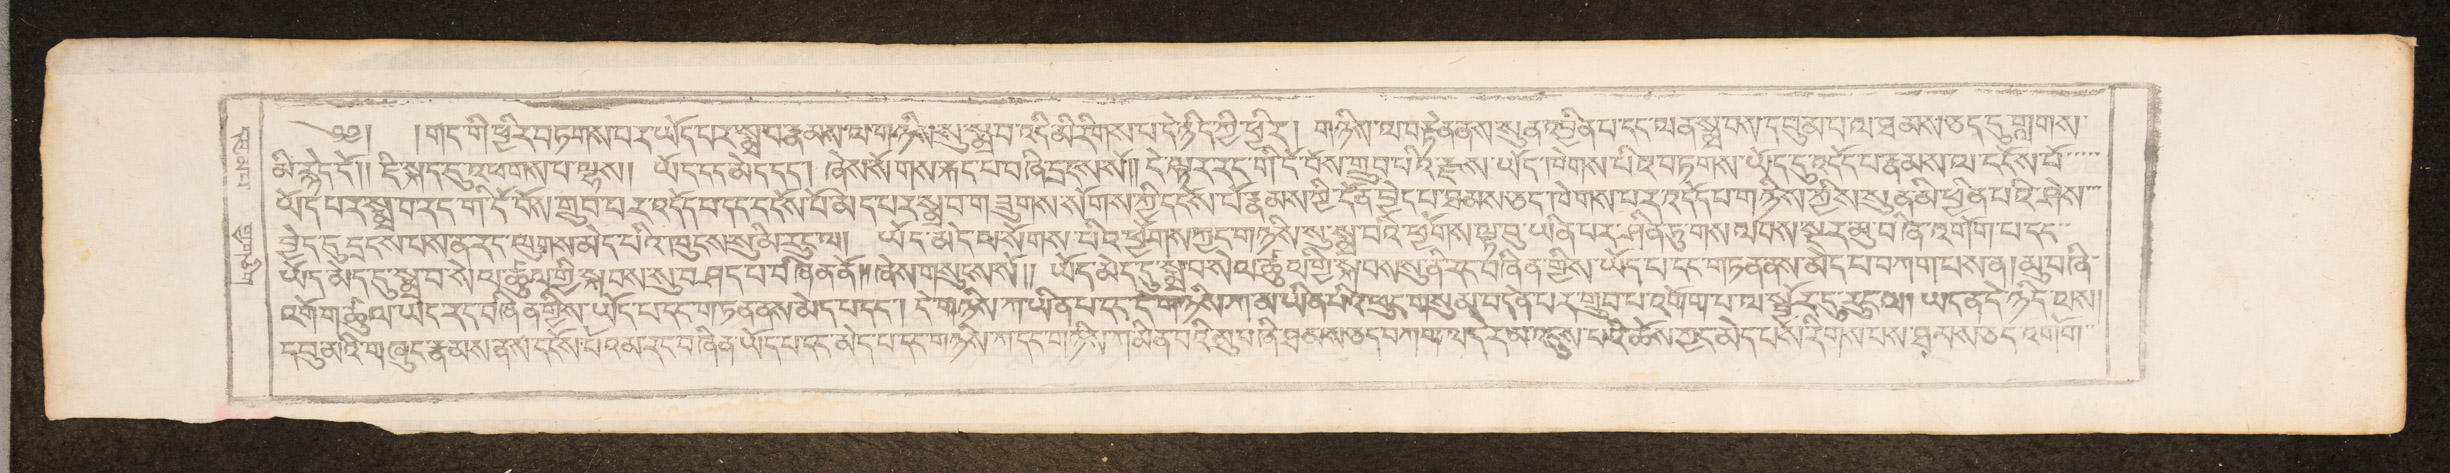༄༅། །གང་གི་ཕྱིར་བཏགས་པར་ཡོད་པར་སྨྲ་བ་རྣམས་ལ་གཉིས་སུ་སྨྲ་བ་འདི་མི་རིགས་པ་དེ་ཉིད་ཀྱི་ཕྱིར། གཉིས་ལ་བརྟེན་ནས་སུན་འབྱིན་པ་དང་ལན་སྨྲ་བས་དབུ་མ་པ་ལ་ཐམས་ཅད་དུ་གླགས་
མི་རྙེད་དོ། །ཇི་སྐད་དུ་འཕགས་པ་ལྷས། ཡོད་དང་མེད་དང་། ཞེས་སོགས་རྐང་པ་བཞི་དྲངས་སོ། ། དེ་ལྟར་དང་གི་ངོ་བོས་གྲུབ་པའི་རྫས་ཡོད་ཁེགས་པའི་བཏགས་ཡོད་དུ་འདོད་པ་རྣམས་ལ་དངོས་པོ་
ཡོད་པར་སྨྲ་བ་རང་གི་ངོ་བོས་གྲུབ་པར་འདོད་པ་དང་དངོས་པོ་མེད་པར་སྨྲ་བ་གཟུགས་སོགས་ཀྱི་དངོས་པོ་རྣམས་ཀྱི་དོན་བྱེད་པ་ཐམས་ཅད་ཁེགས་པར་འདོད་པ་གཉིས་ཀྱིས་སུན་མི་ཕྱིན་པའི་ཤེས་
བྱེད་དུ་དྲངས་པས་ན་རང་ལུགས་མེད་པའི་ཁུངས་སུ་མི་རུང་ལ། ཡོད་མེད་ལ་སོགས་པའི་ཕྱོགས་ཀྱང་གཉིས་སུ་སྨྲ་བའི་ཕྱོགས་ལྟ་བུ་ཡིན་པར་ཤིན་ཏུ་གསལ་བས་སྔར་མུ་བཞི་འགོག་པ་དང་
ཡོད་མེད་དུ་སྨྲ་བ་སེལ་ཚུལ་གྱི་སྐབས་སུ་བཤད་པ་བཞིན་ནོ། །ཞེས་གསུངས་སོ། །ཡོད་མེད་དུ་སྨྲ་བ་སེལ་ཚུལ་གྱི་སྐབས་སུ་ནི་རང་བཞིན་གྱིས་ཡོད་པ་དང་གཏན་ནས་མེད་པ་བཀག་པས་ན། མུ་བཞི་
འགོག་ཚུལ་ཡང་རང་བཞིན་གྱིས་ཡོད་པ་དང་གཏན་ནས་མེད་པ་དང་། དེ་གཉིས་ཀ་ཡིན་པ་དང་དེ་གཉིས་ཀ་མ་ཡིན་པའི་ཕུང་གསུམ་བདེན་པར་གྲུབ་པ་འགོག་པ་ལ་སྦྱོར་དུ་རུང་ལ། ཡང་ན་དེ་ཉིད་ལས།
དབུ་མའི་གཞུང་རྣམས་ནས་དངོས་པོ་འམ་རང་བཞིན་ཡོད་པ་དང་མེད་པ་དང་ཉིས་ཀ་དང་གཉིས་ཀ་མིན་པའི་མུ་བཞི་ཐམས་ཅད་བཀག་ལ་དེར་མ་འདུས་པའི་ཆོས་ཀྱང་མེད་པས་རིགས་པས་ཐམས་ཅད་འགོག་